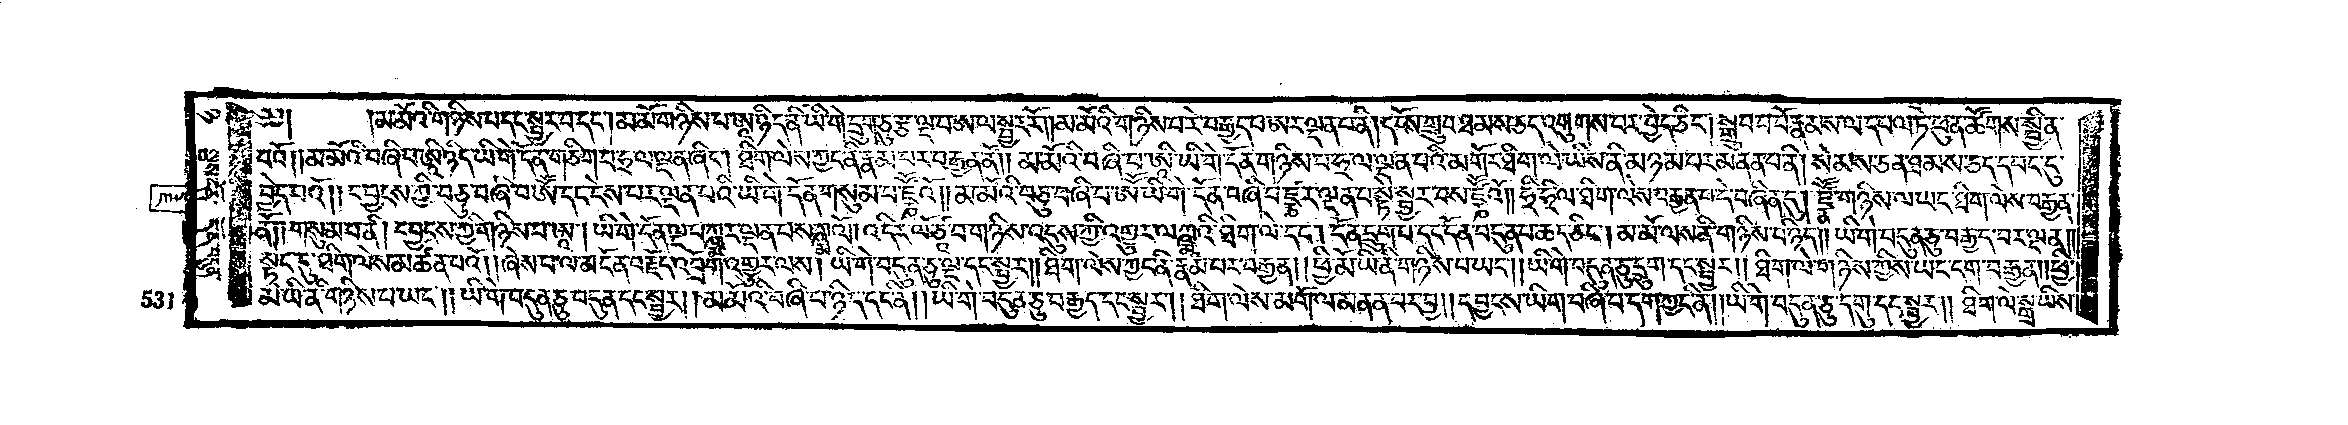༄༅། །མ་མོའི་གཉིས་པ་དང་སྦྱར་བ་དང་། མ་མོ་གཉིས་པ་ཨཱ་ཉིད་ནི་ཡི་གེ་དྲུག་ཅུ་རྩ་ལྔ་པ་ཨ་ལ་སྦྱར་རོ། །མ་མོའི་གཉིས་པ་རེ་བརྒྱད་པ་ཨར་ལྡན་པ་ནི། དངོས་གྲུབ་ཐམས་ཅད་འགུགས་པར་བྱེད་ཅིང་། སྒྲུབ་པ་པོ་རྣམས་ལ་དཔལ་ཏེ་ཕུན་ཚོགས་སྦྱིན་
པའོ། །མ་མོའི་བཞི་པ་ཨཱི་ཉིད་ཡི་གེ་དོན་གཅིག་པ་ཧྲ་ལ་ལྡན་ཞིང་། ཐིག་ལེས་ཀྱང་ནི་རྣམ་པར་བརྒྱན་ནོ། །མ་མོའི་བཞི་པ་ཨཱི་ཡི་གེ་དོན་གཉིས་པ་ཧྲ་ལ་ལྡན་པའི་མགོར་ཐིག་ལེ་ཡིས་ནི་མཉམ་པར་མནན་པ་ནི། སེམས་ཅན་ཐམས་ཅད་དབང་དུ་
བྱེད་པའོ། །དབྱངས་ཀྱི་བཅུ་བཞི་པ་ཨཽ་དང་ངེས་པར་ལྡན་པའི་ཡི་གེ་དོན་གསུམ་པ་ཛྞཽའོ། །མ་མོའི་བཅུ་བཞི་པ་ཨཽ་ཡི་གེ་དོན་བཞི་པ་ཛྞར་ལྡན་པ་སྟེ་སྦྱར་བས་ཛྞཽའོ། །ཧྲི་ཧྲི་ལ་ཐིག་ལེས་བརྒྱན་པ་དེ་བཞིན་དུ། ཛྣཽ་གཉིས་ལ་ཡང་ཐིག་ལེས་བརྒྱན་
ནོ། །གསུམ་པ་ནི། དབྱངས་ཀྱི་གཉིས་པ་ཨཱ། ཡི་གེ་དོན་ལྔ་པ་ཀྵྨར་ལྡན་པས་ཀྵྨའོ། །འདིར་ལོ་ཙཱ་བ་གཉིས་འདུས་ཀྱི་འགྱུར་ལཀྵྨའི་ཐིག་ལེ་དང་། དོན་དྲུག་པ་དང་དོན་བདུན་པ་ཆད་ཅིང་། མ་མོ་ལས་ནི་གཉིས་པ་ཉིད། །ཡི་གེ་བདུན་ཅུ་བརྒྱད་པར་ལྡན། །
སྟེང་དུ་ཐིག་ལེས་མཚན་པའོ། །ཞེས་པ་ལ་མངོན་བརྗོད་འབྲོག་འགྱུར་ལས། ཡི་གེ་བདུན་ཅུ་ལྔ་དང་སྦྱར། །ཐིག་ལེས་ཀྱང་ནི་རྣམ་པར་བརྒྱན། །ཕྱི་མོ་ཡི་ནི་གཉིས་པ་ཡང་། །ཡི་གེ་བདུན་ཅུ་དྲུག་དང་སྦྱར། །ཐིག་ལེ་གཉིས་ཀྱིས་ཡང་དག་བརྒྱན། །ཕྱི་
མོ་ཡི་ནི་གཉིས་པ་ཡང་། །ཡི་གེ་བདུན་ཅུ་བདུན་དང་སྦྱར། །མ་མོའི་བཞི་པ་ཉིད་དང་ནི། །ཡི་གེ་བདུན་ཅུ་བརྒྱད་དང་སྦྱར། །ཐིག་ལེས་མགོ་ལ་མནན་པར་བྱ། །དབྱངས་ཡིག་བཞི་པ་དག་ཀྱང་ནི། །ཡི་གེ་བདུན་ཅུ་དགུ་དང་སྦྱར། །ཐིག་ལེ་སྒྲ་ཡིས་